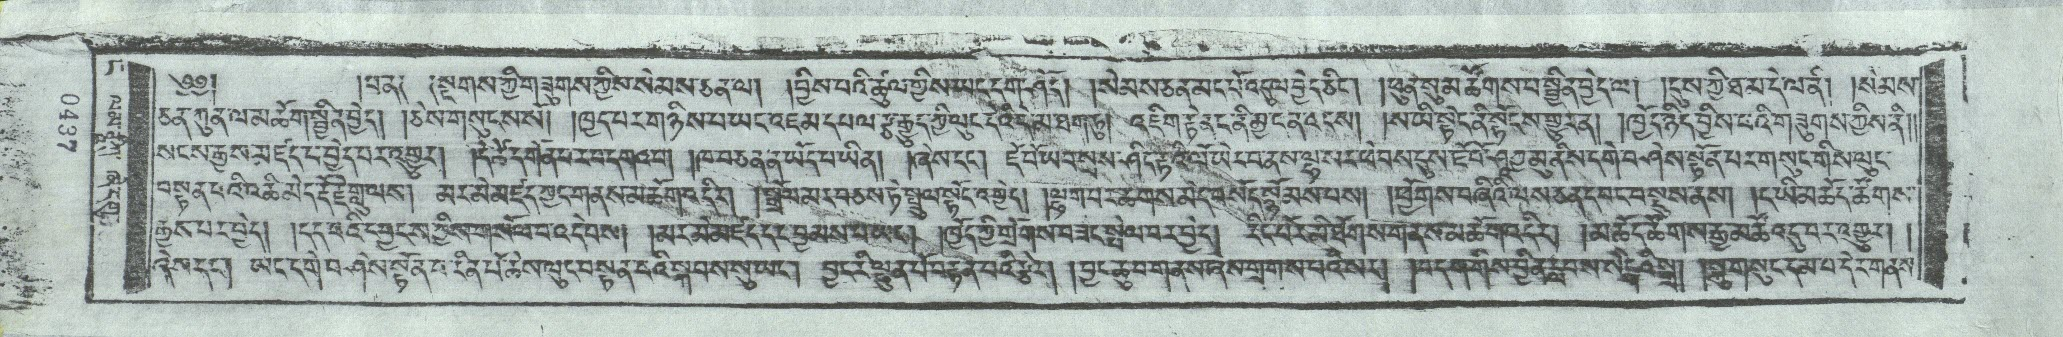༄༅། །པ་ན༑ ༑སྔགས་ཀྱི་གཟུགས་ཀྱིས་སེམས་ཅན་ལ། །བྱིས་བའི་ཚུལ་གྱིས་ཡང་དག་ཤོད། །སེམས་ཅན་མང་པོ་འདུལ་བྱེད་ཅིང་། །ཕུན་སུམ་ཚོགས་པ་སྦྱིན་བྱེད་ལ། །དུས་ཀྱི་ཐ་མ་དེ་ལ་ནི། །སེམས་
ཅན་ཀུན་ལ་མཆོག་སྦྱིན་བྱེད། །ཅེས་གསུངས་སོ། །ཁྱད་པར་གཉིས་པ་ཡང་འཇམ་དཔལ་རྩ་རྒྱུད་ཀྱི་ལུང་དེའི་དེ་མ་ཐག་ཏུ། འཇིག་རྟེན་ང་ནི་མྱ་ངན་འདས། །ས་ཡི་སྟེང་ནི་སྟོངས་གྱུར་ན། །ཁྱོད་ཉིད་བྱིས་པའི་གཟུགས་ཀྱིས་ནི།།
སངས་རྒྱས་མཛད་པ་བྱེད་པར་འགྱུར། །དེ་ཚེ་དགོན་པ་རབ་དགའ་བ། །ཁ་བ་ཅན་ན་ཡོད་པ་ཡིན། །ཞེས་དང་། ཇོ་བོ་ཡབ་སྲས་ཤིང་རྟའི་ལོ་ཡེར་བ་ནས་ལྷ་སར་ཕེབས་དུས་ཇོ་བོ་ཤཱཀྱ་མུ་ནིས་དགེ་བ་ཤེས་སྟོན་པར་གསུང་གིས་ལུང་
བསྟན་པའི་འཆི་མེད་རྡོ་རྗེ་གླུ་ལས། མར་མེ་མཛད་ཀྱང་གནས་མཆོག་འདིར། །སྒྲོལ་མར་བཅས་ཏེ་སྤྲུལ་སྟོང་འགྱེད། །ལྷག་པར་ཆགས་མེད་བསོད་སྙོམས་པས། །ཕྱོགས་བཞིའི་ལས་ཅན་དབང་བསྡུས་ནས། །ད་ཡི་མཆོད་ཚོགས་
རྒྱས་པར་བྱེད། །དད་པའི་དབྱངས་ཀྱིས་གསོལ་བ་འདེབས། །མར་མེ་མཛད་དང་བྱམས་པ་ཡང་། །ཁྱོད་ཀྱི་གྲོགས་བཟང་སྤེལ་བར་བྱེད། རིང་པོར་མི་ཐོགས་གནས་མཆོག་འདིར། །མཆོད་ཚོགས་རྒྱ་མཚོ་འདུ་བར་འགྱུར། །
ཞེས་དང་། ཡང་དགེ་བཤེས་སྟོན་པ་རིན་པོ་ཆེས་ལུང་བསྟན་པའི་སྐབས་སུ་ཡང་། བྱང་རི་ལྷུན་པོ་བརྟན་པའི་རྩེར། །བྱང་ཆུབ་གནས་ཞེས་གྲགས་པའི་སར། །བདག་གིས་བྱིན་རླབས་སེངྒེའི་སྒྲ། །སྐུ་གསུང་དམ་པ་དེར་གནས་